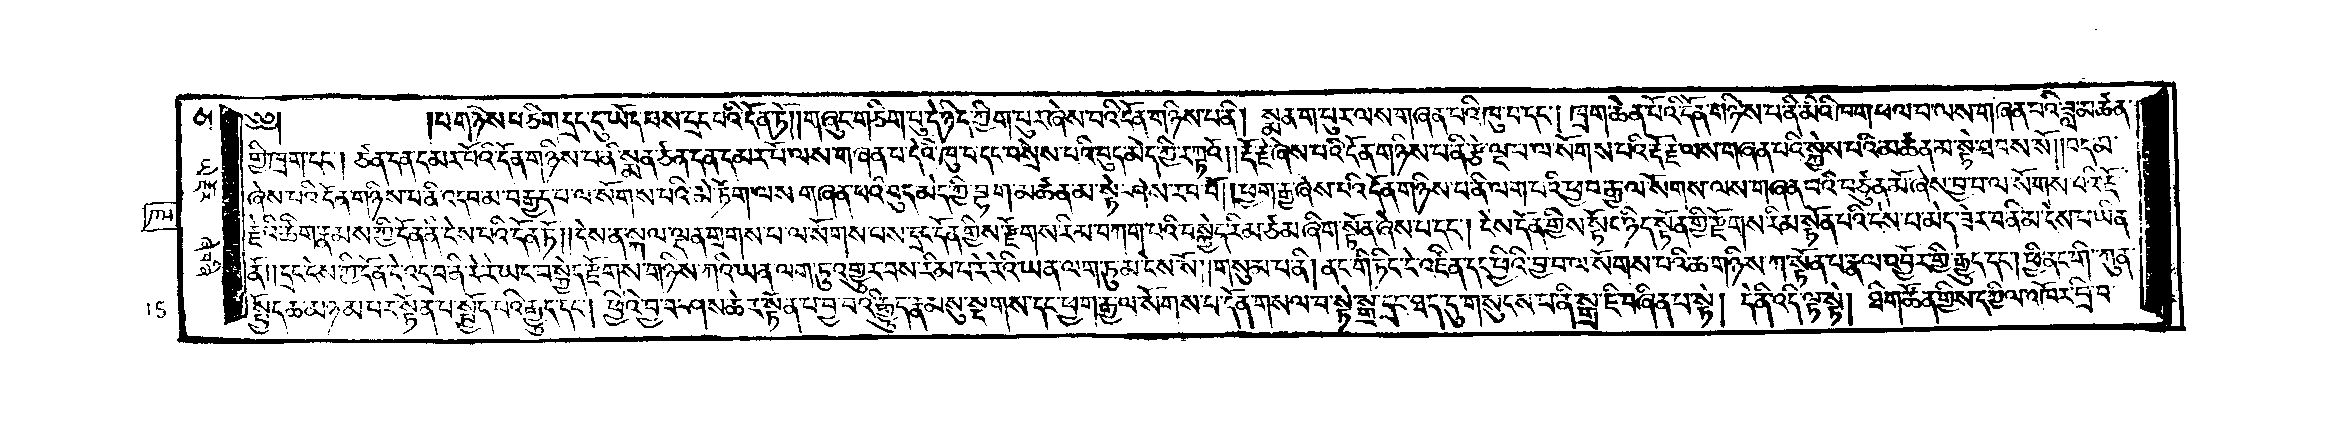༄༅། །པ་གཉིས་པ་ཅིག་དྲང་དུ་ཡོད་པས་དྲང་པའི་དོན་ཏོ། །གཞུང་གཅིག་པུ་དེ་ཉིད་ཀྱི་ག་པུར་ཞེས་པའི་དོན་གཉིས་པ་ནི། སྨན་ག་པུར་ལས་གཞན་པའི་ཁུ་བ་དང་། ཁྲག་ཆེན་པོའི་དོན་གཉིས་པ་ནི་མིའི་ཁྲག་ཕལ་པ་ལས་གཞན་པའི་ཟླ་མཚན་
གྱི་ཁྲག་དང་། ཙན་དན་དམར་པོའི་དོན་གཉིས་པ་ནི་སྨན་ཙན་དན་དམར་པོ་ལས་གཞན་པ་དེའི་ཁུ་བ་དང་བསྲེས་པའི་བུད་མེད་ཀྱི་རཀྟའོ། །རྡོ་རྗེ་ཞེས་པའི་དོན་གཉིས་པ་ནི་རྩེ་ལྔ་པ་ལ་སོགས་པའི་རྡོ་རྗེ་ལས་གཞན་པའི་སྐྱེས་པའི་མཚན་མ་སྟེ་ཐབས་སོ། །པད་མ་
ཞེས་པའི་དོན་གཉིས་པ་ནི་འདབ་མ་བརྒྱད་པ་ལ་སོགས་པའི་མེ་ཏོག་ལས་གཞན་པའི་བུད་མེད་ཀྱི་བྷ་ག་མཚན་མ་སྟེ་ཤེས་རབ་བོ། །ཕྱག་རྒྱ་ཞེས་པའི་དོན་གཉིས་པ་ནི་ལག་པའི་ཕྱག་རྒྱ་ལ་སོགས་ལས་གཞན་པའི་བཙུན་མོ་ཞེས་བྱ་བ་ལ་སོགས་པའི་རྡོ་
རྗེའི་ཚིག་རྣམས་ཀྱི་དོན་ནི་ངེས་པའི་དོན་ཏོ། །དེས་ན་སྐལ་ལྡན་གྲགས་པ་ལ་སོགས་པས་དྲང་དོན་གྱིས་རྫོགས་རིམ་བཀག་པའི་བསྐྱེད་རིམ་ཙམ་ཞིག་སྟོན་ཞེས་པ་དང་། ངེས་དོན་གྱིས་སྟོང་ཉིད་སྟོན་གྱི་རྫོགས་རིམ་སྟོན་པའི་ངེས་པ་མེད་ཟེར་བ་ནི་མ་ངེས་པ་ཡིན་
ནོ། །དྲང་ངེས་ཀྱི་དོན་དེ་འདྲ་བ་ནི་རེ་རེ་ཡང་བསྐྱེད་རྫོགས་གཉིས་ཀའི་ཡན་ལག་ཏུ་འགྱུར་བས་རིམ་པ་རེ་རེའི་ཡན་ལག་ཏུ་མ་ངེས་སོ། །གསུམ་པ་ནི། ནང་གི་ཏིང་ངེ་འཛིན་དང་ཕྱིའི་བྱ་བ་ལ་སོགས་པའི་ཆ་གཉིས་ཀ་སྟོན་པ་རྣལ་འབྱོར་གྱི་རྒྱུད་དང་། ཕྱི་ནང་གི་ཀུན་
སྤྱོད་ཆ་མཉམ་པར་སྟོན་པ་སྤྱོད་པའི་རྒྱུད་དང་། ཕྱིའི་བྱ་བ་ཤས་ཆེར་སྟོན་པ་བྱ་བའི་རྒྱུད་རྣམས་སུ་སྔགས་དང་ཕྱག་རྒྱ་ལ་སོགས་པ་དོན་གསལ་བ་སྟེ་སྒྲ་དྲང་ཐད་དུ་གསུངས་པ་ནི་སྒྲ་ཇི་བཞིན་པ་སྟེ། དེ་ནི་འདི་ལྟ་སྟེ། ཐིག་ཚོན་གྱིས་དཀྱིལ་འཁོར་བྲི་བ་